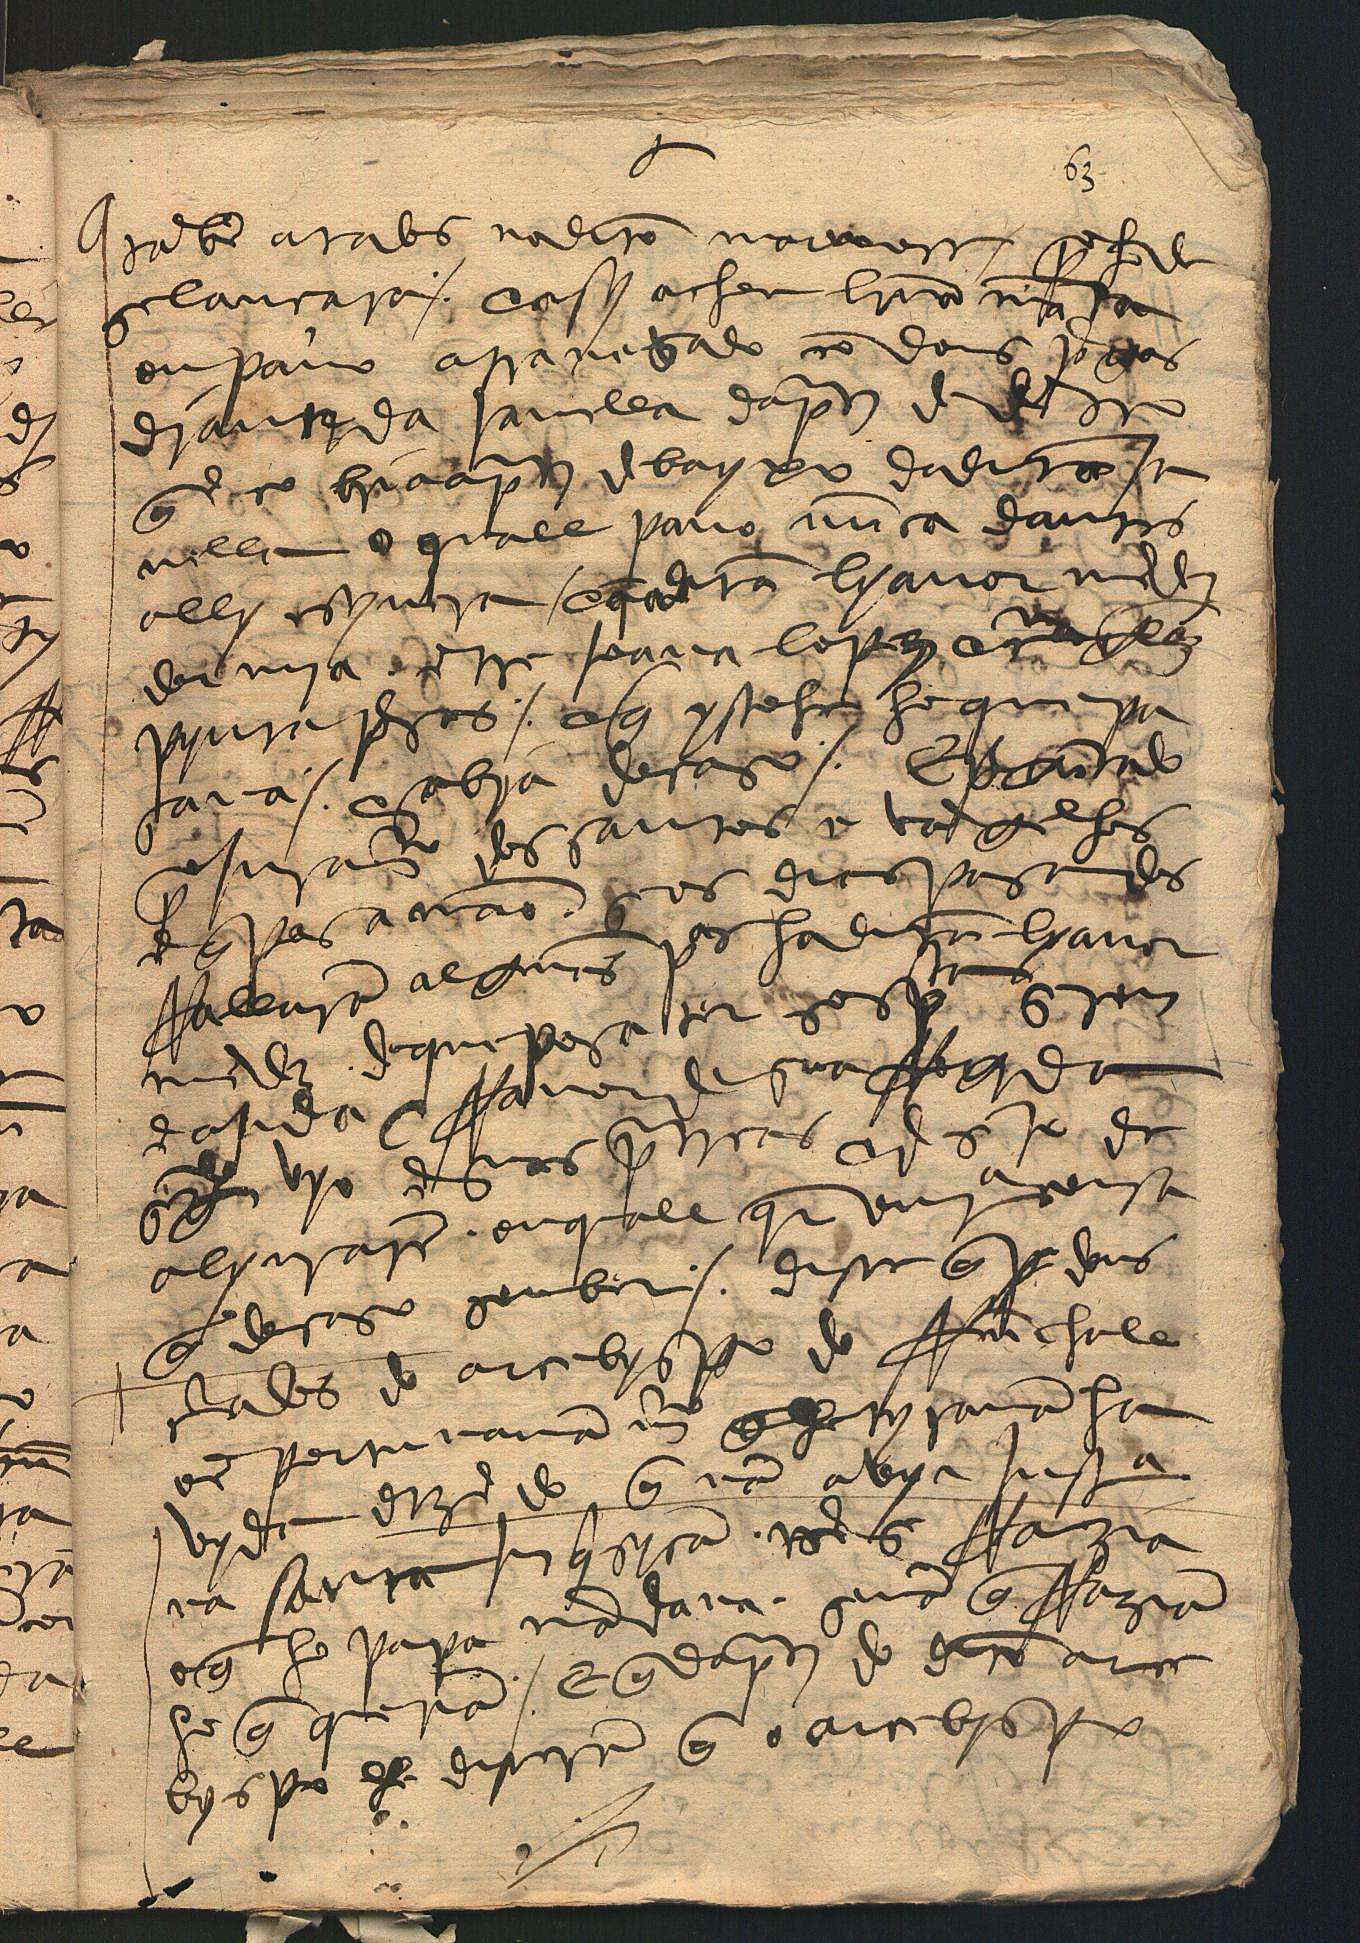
63
tābē atados no dito marmore / p̄o hōde
se lançara ./. e asy achou huā m̄ata
ou pano atrauesado cō dous p̄gos
djante da Janella da p̄te de dētro
q̄ ēcobria a p̄te de bayxo da dita Ja
nella o quall pano nūca dantes
ally estjuera / e q̄ a dita lyanor mēdez
dormja ētre Joana lopez e cna gl̄lz
pynta p̄sas ./. e q̄ ysto he ho que pa
sara ./. e sabja do caso ./. E p̄gūtado
p̄o Juramto dos santos evāgelhos
ē q̄ pos a mão se os dias pasados
ffallarā algūas pas ha dita lyanor
mēdez de que posa ter sospta serem
ē ajuda e ffauor de sua ffogjda
segdo vyo ē suas p̄tjcas e deseJo de
alyujarē. ou quallq̄r outa cousa
q̄ do aso souber ./. disse q̄ p dous
c̄iados do arcebyspo do ffūchall
o ēportunauā mto q̄ lhe tyrauā ha
vyda dizēdo q̄ nā avya Justa
na santa Jnqisyçā. nē se ffazia
o q̄ ho papa mādaua. senā q̄ ffaziā
ho q̄ queriā ./. E q̄ da p̄te do dito arce
byspo lhe diserā q̄ o arcebjspo
